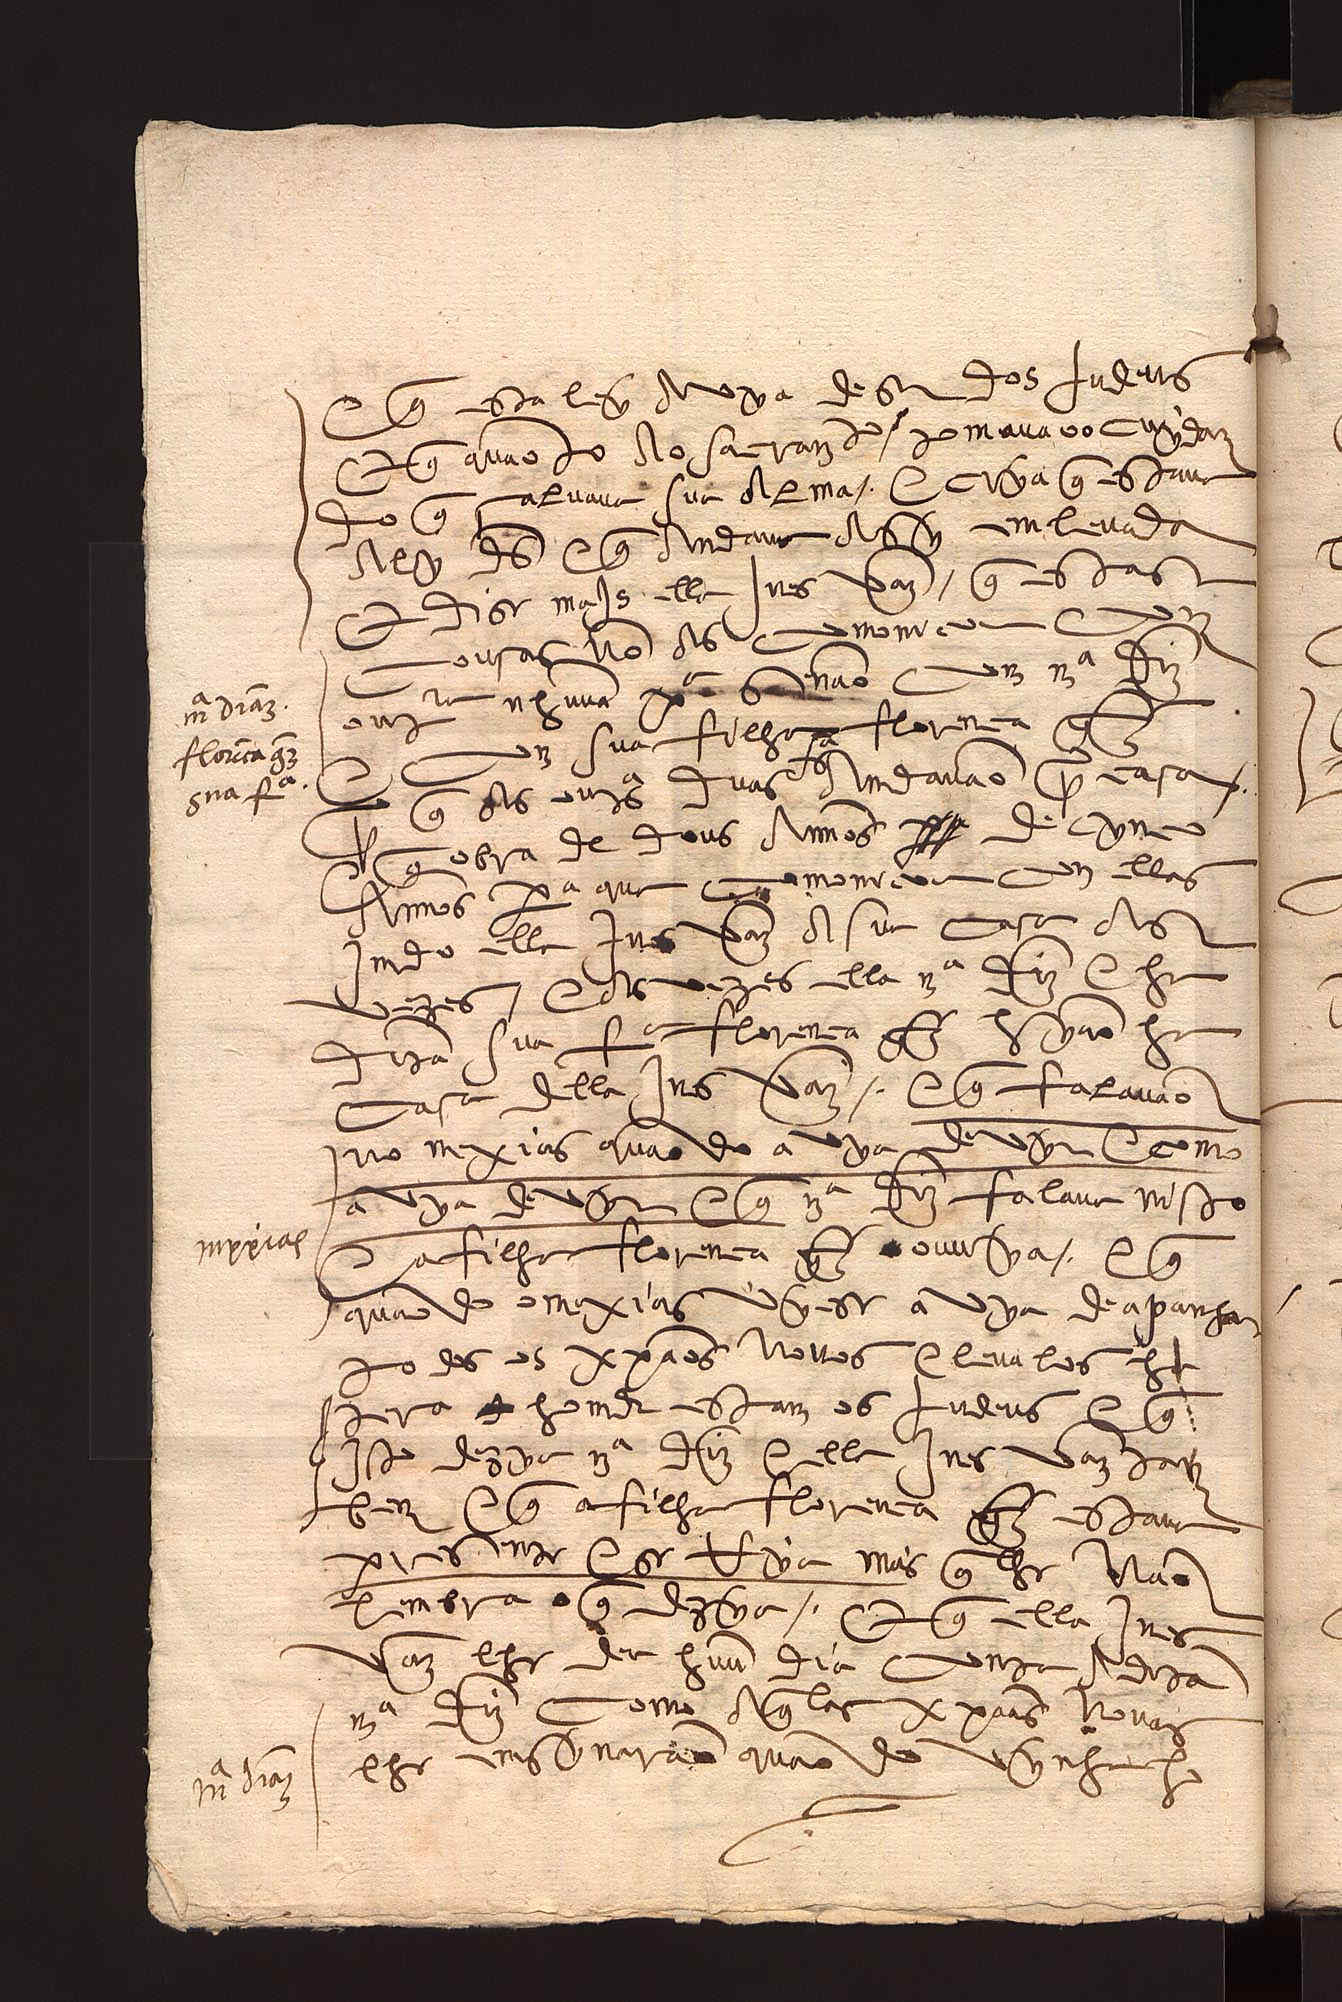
ma diāz
florēca ḡz
sua fa.
mxxias
ma dīaz
e q̄ esta ley Avya de ser dos Judeus
E q̄ quãoto Ao sacramto / tomaua oo Cuydar
do q̄ saluaua sua Alma /. E crya q̄ estaua
Aly ds̄ e q̄ Andaua Asy emleuada
E dise maJs ella Jnes Vāz / q̄ estas
Cousas nō As comonicou Com
outra nhūua pa senão Com ma dīz
E Com sua filha a florença gz̄
p̄o q̄ As outsa duas Amdauão p̄o casa /.
E q̄ obra de dous Ann̄os ꝑa de cynco
An̄nos ꝑa que comonicou com ellas
Jmdo ella Jnes Vāz A Sua Casa As
vezes / E As vezes ella ma dīz e ha
dit̄a sua fa florença gz̄ hyão ha
Casa della Jnes Vāz /. E q̄ falauaõ
no mexias quãodo avya de vyr E como
avya de vyr e q̄ ma dīz falaua nisto
E a filha florença gz̄ ouuya /. E q̄
quãodo o mexias vyese avya de apanhar
todos os Xpãos nouos e leualos ha
tera _ homde estam os Judeus e q̄
Jsto dezya ma dīz e ella Jnes Vāz tam
bem e q̄ a filha florença ḡz estaua
presente e se Rya mais q̄ lhe Naõ
lembra o q̄ dezya /. E q̄ ella Jnes
Vāz lhe deu hūu dia conta A dita
ma dīz Como Aq̄las xpaās nouas
lhe emsynaraõ quãodo vynha ho
